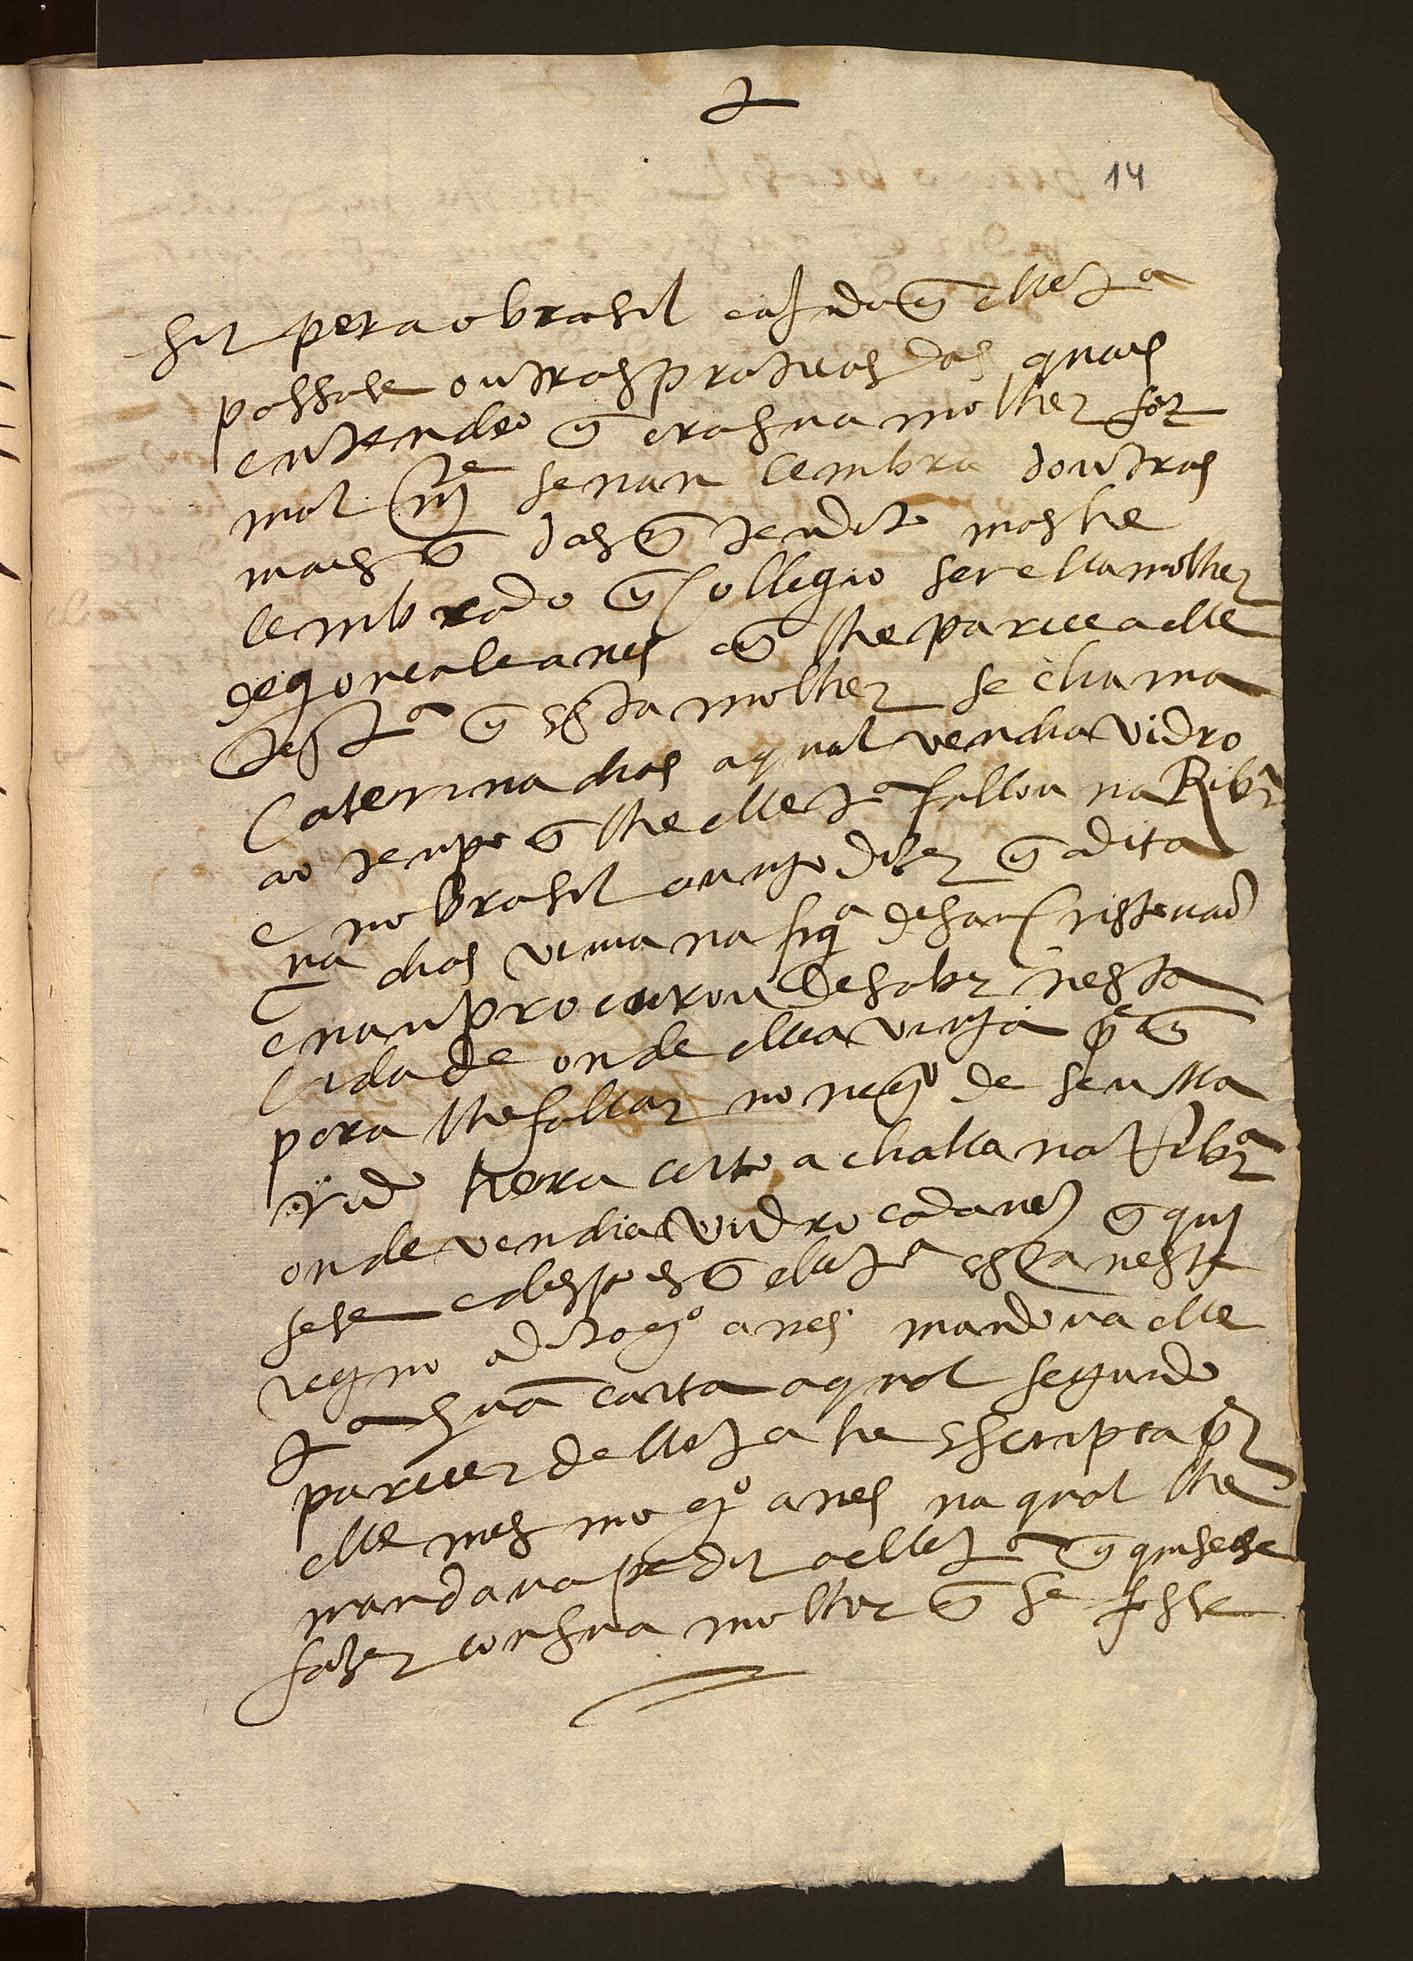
hir pera o brasil e aJnda q̄ elle ta
passase outras praticas das quaes
entendeo q̄ era sua molher for
malmte se nan lembra doutras
mais q̄ das q̄ ten dito mas he
lembrado q̄ Collegio ser ella molher
de goncaleanes o q̄ lhe parece a elle
testa q̄ Esta molher se chama
Caterina dias a quaL vendia vidro
ao tempo q̄ lhe elle ta fallou na Ribra
e no brasil ouujo dizer q̄ a dita
Cna dias viuia na frga de sam Cristouaõ
e nan procurou de saber nesta
Cidade onde elle a viu Ja p̄o o q̄
pera lhe fallar no nego de seu Ma
rido hera certo achalla na Ribra
onde vendia vidro cada vez q̄ quj
sese e despoes q̄ elle ta esta neste
regno o dito go anes mandou a elle
ta huā carta a qual segundo
parecer delle ta he Escripta p̄o
elle mesmo go anes na qual lhe
mandaua pedir a elle ta q̄ quisesse
fazer con sua molher q̄ se fosse
